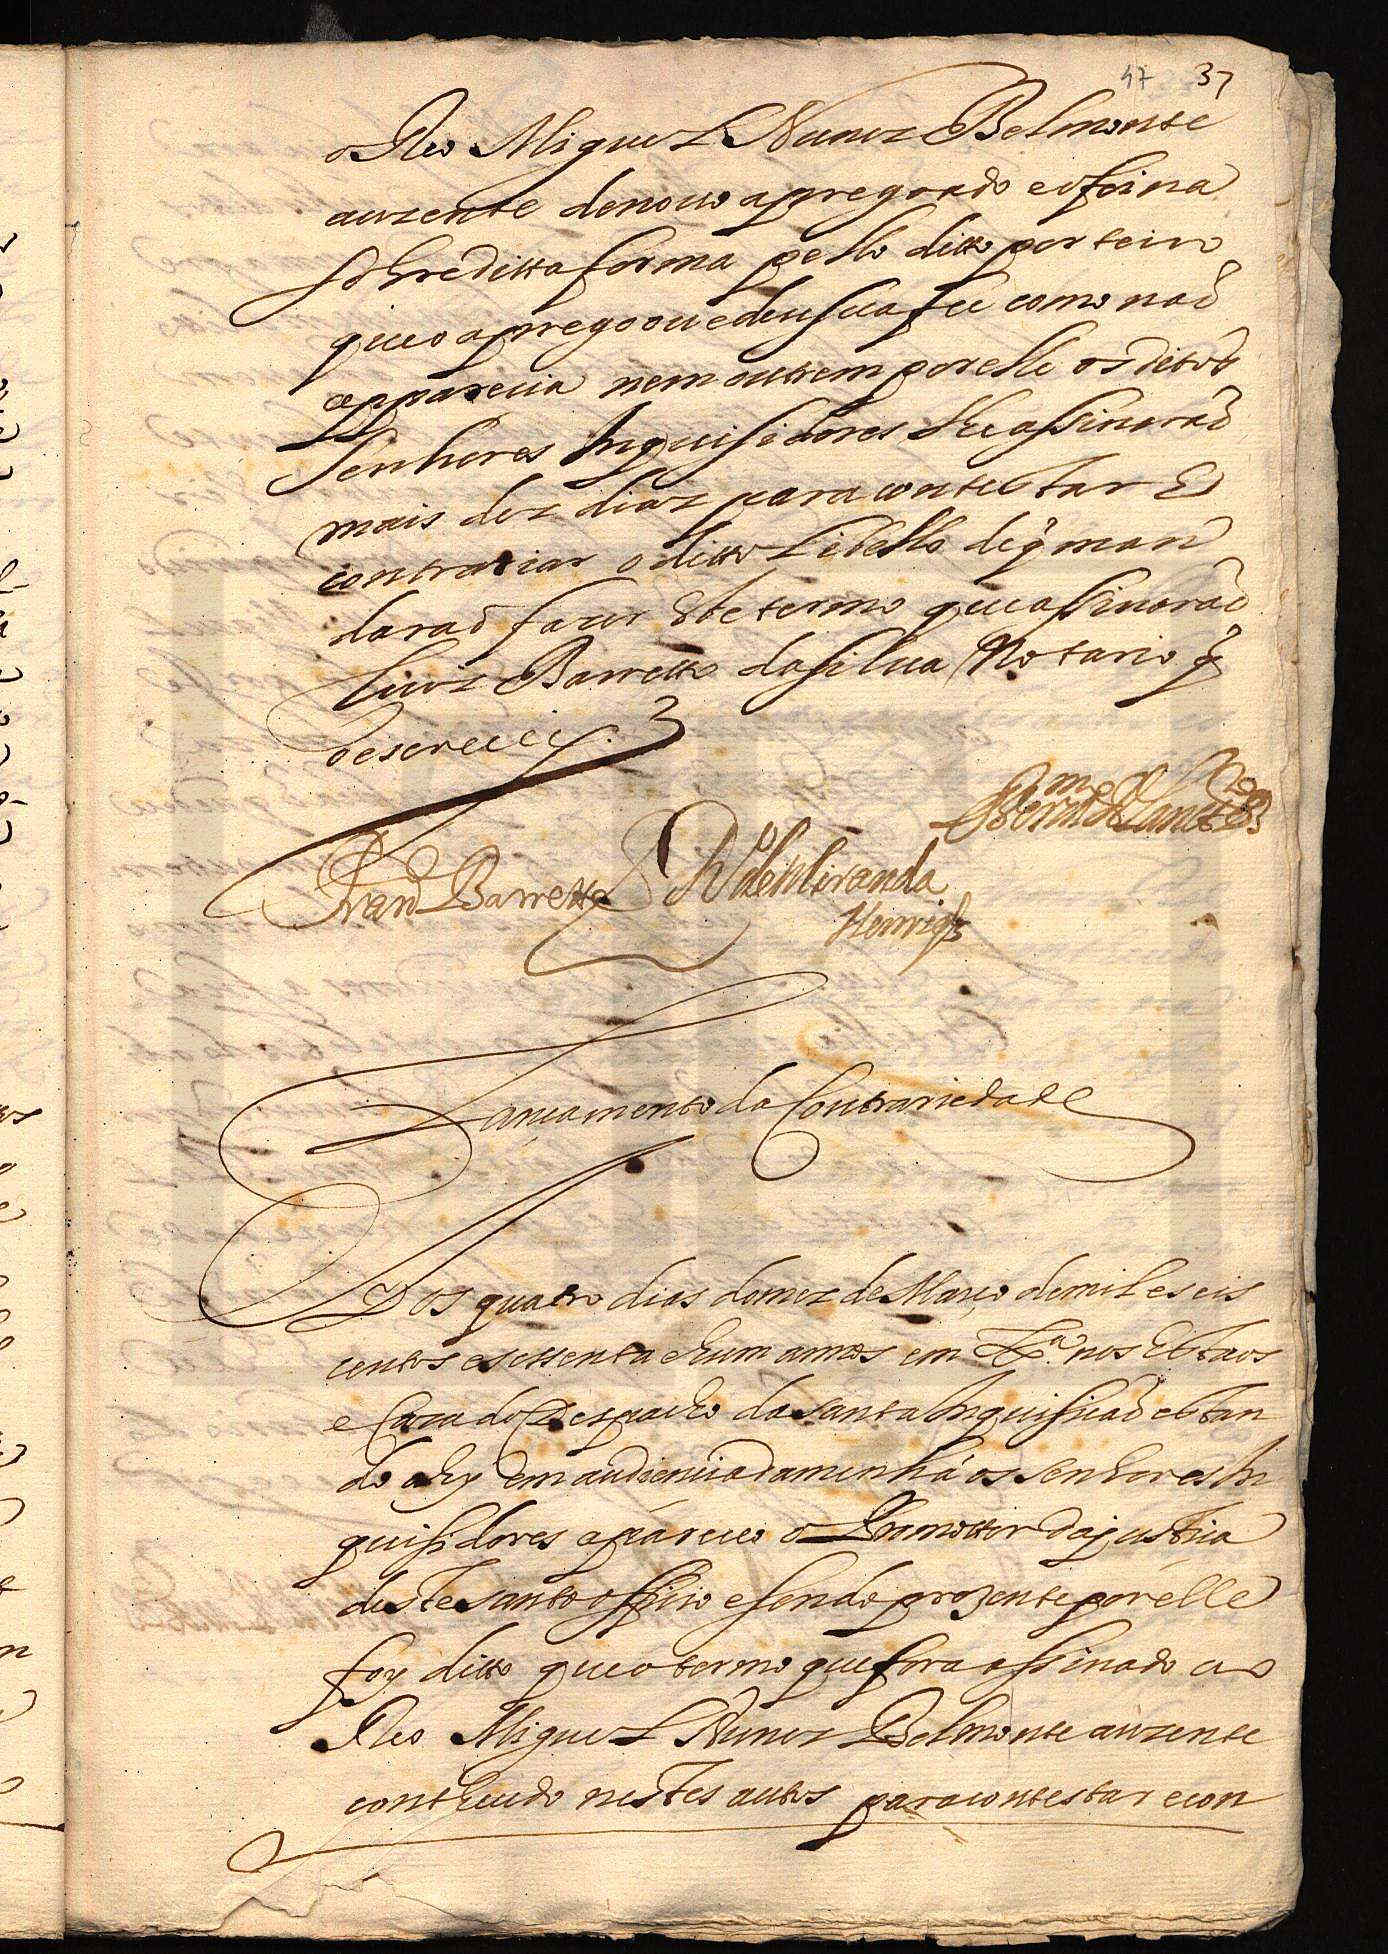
o Reo Miguel Nunez Belmonte
auzente de nouo apregoado e o foi na
sobreditta forma pello ditto porteiro
que o apregoou e deu sua fee como naõ
apparecia nem outrem por elle os ditos
Senhores Inquisidores lhe assinaraõ
mais dez diaz para contestar E
contrariar o ditto Libello de q̄ man
daraõ fazer este termo que assinaraõ
Luiz Barretto da Silua Notario q̄
o escreuj
Berthmo de Lanctre
Fran.co Barretto Ro de Miranda
Henriq̄s
Lançamento da Contrariedade
Aos quatro dias do mez de Março de mil e seis
centos e sessenta e hum annos em Lxa nos Estaos
e Caza do Despacho da Santa Inquisiçaõ estan
do ahy em audiencia da minhā os senhores In
quisidores apareceo o Promottor da justiça
deste santo officio e sendo prezente por elle
foy ditto que o termo que fora assinado ao
Reo Miguel Nunez Belmonte auzente
contheudo nestes autos para contestar e con
